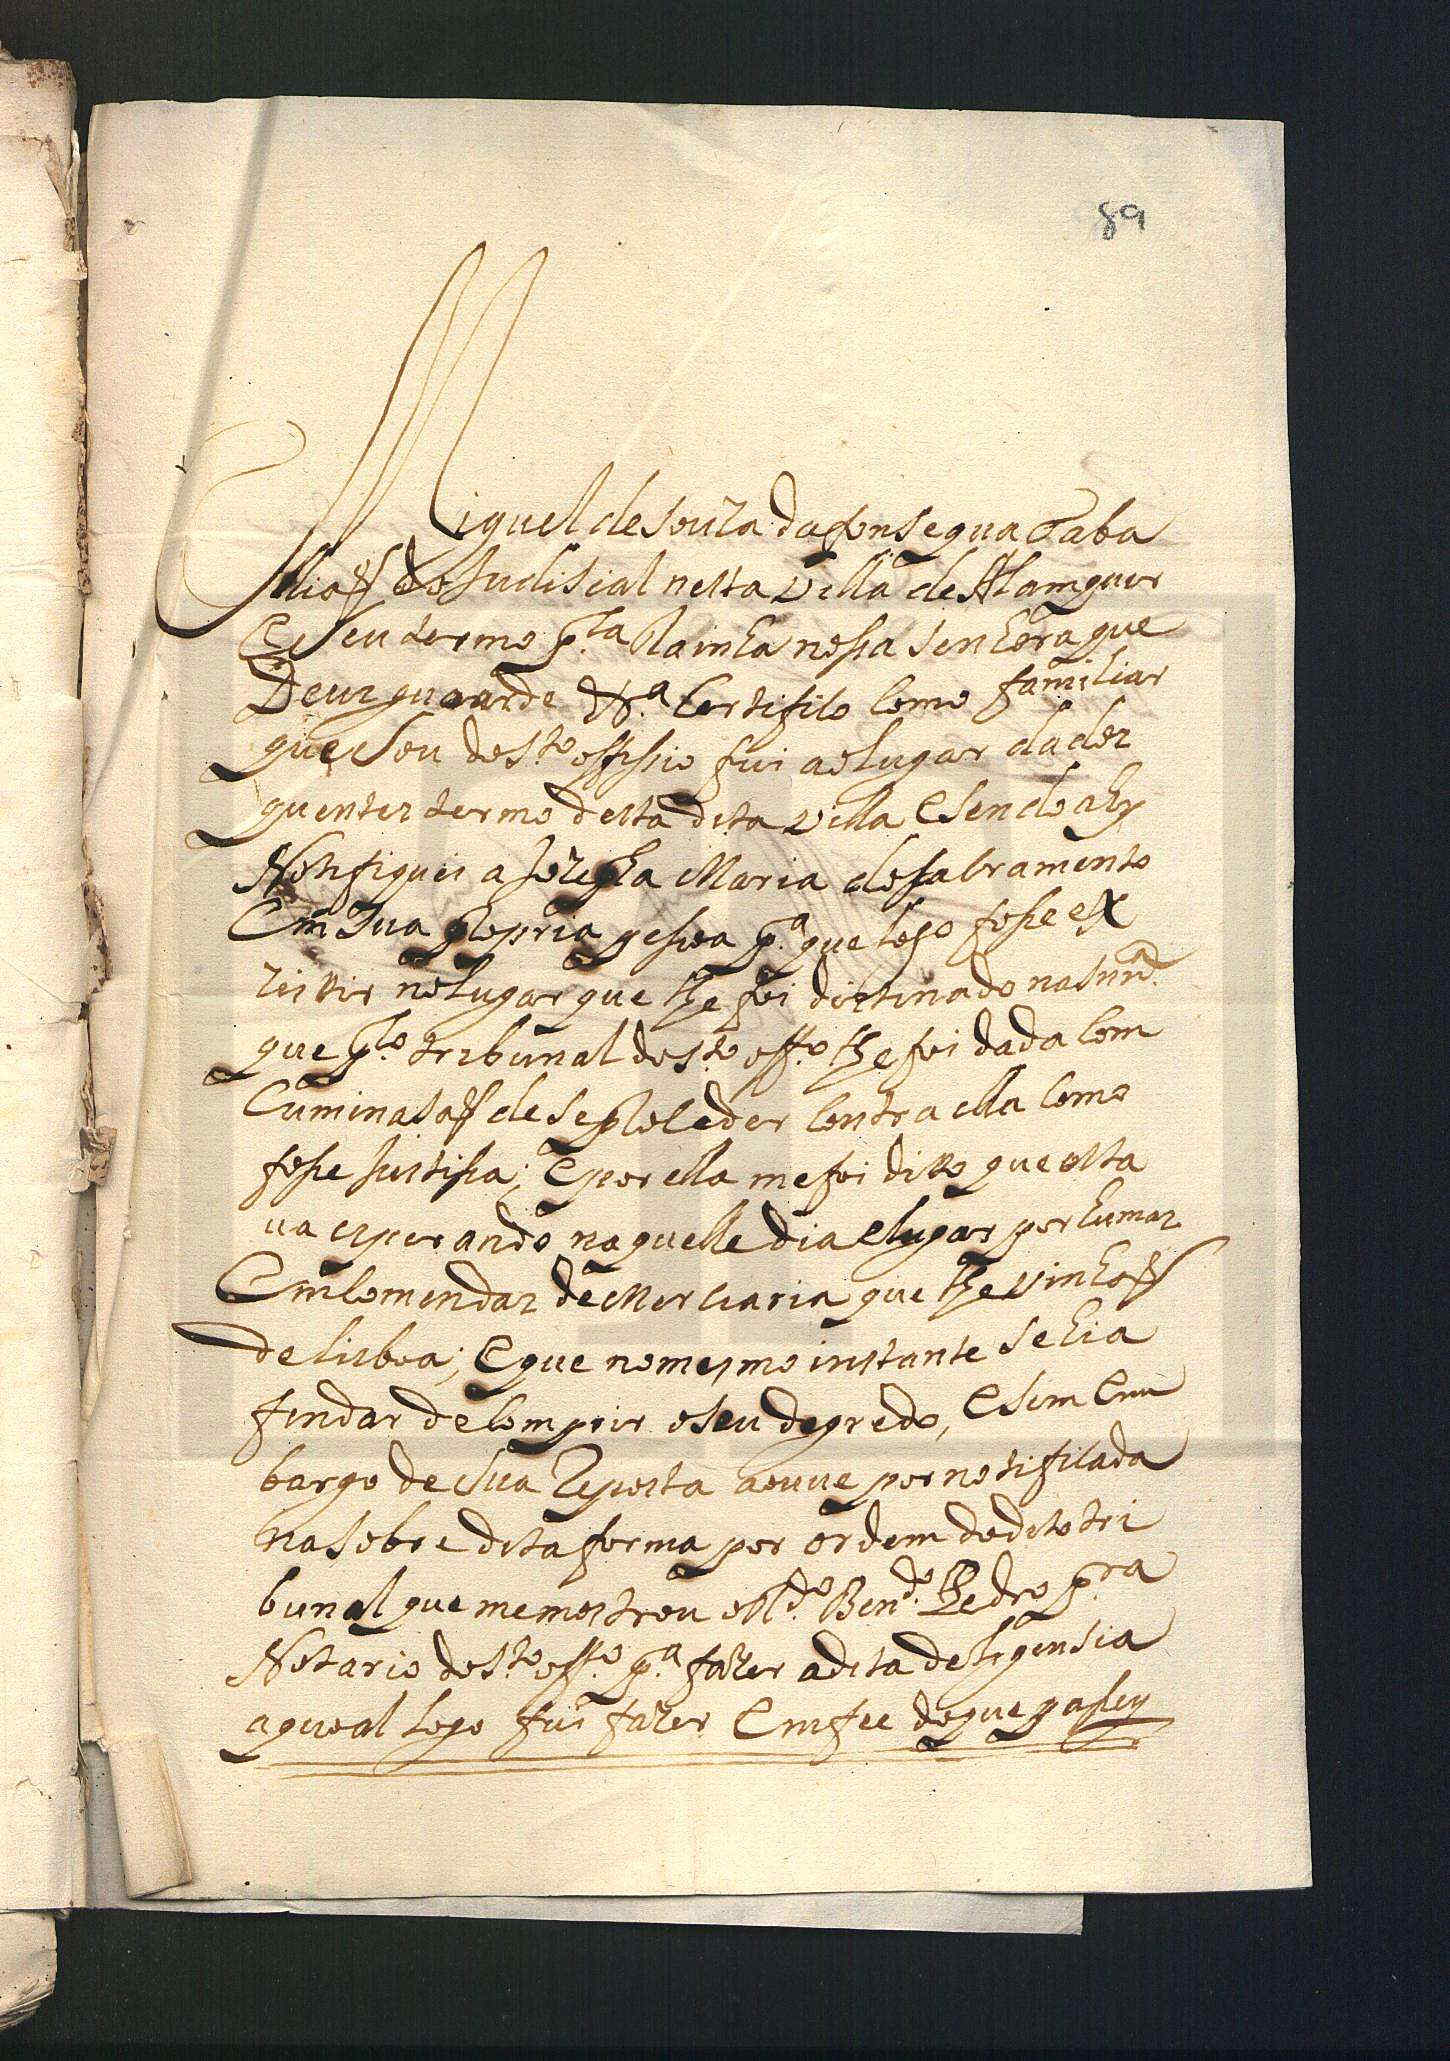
Miguel de Souza da fonsequa Taba
liaõ do Judisial nesta Villa de Alamquer
e Seu termo p.la Rainha nossa senhora que
Deus guarde &.a Certifico como familiar
que Sou do s.to offissio fui ao Lugar da dos
quentes termo desta dita villa, e sendo ahy
Notifiquei a Jozepha Maria do sacramento
Em sua pRopria pessoa p.a que logo fosse eX
Zistir no Lugar que lhe foi distinado na snn.ça
que p.lo tribunal do s.to off.o lhe foi dada Com
Cuminasaõ de se pRoceder contra ella Como
fosse Justissa; e por ella me foi ditto que esta
ua esperando naquelle dia e lugar por humas
Emcomendaz de Merciaria que lhe vinhaõ
de lisboa; E que no mesmo instante se hia
fendar de Comprir o seu degredo, e sem em
bargo de sua Reposta a ouue por notificada
na sobredita forma por ordem do dito tri
bunal que me mostrou o R.do Ben.do Pedro p.ra
Notario do s.to off.o p.a fazer a dita deligensia
a quoal logo fui fazer Em fee do que passey
